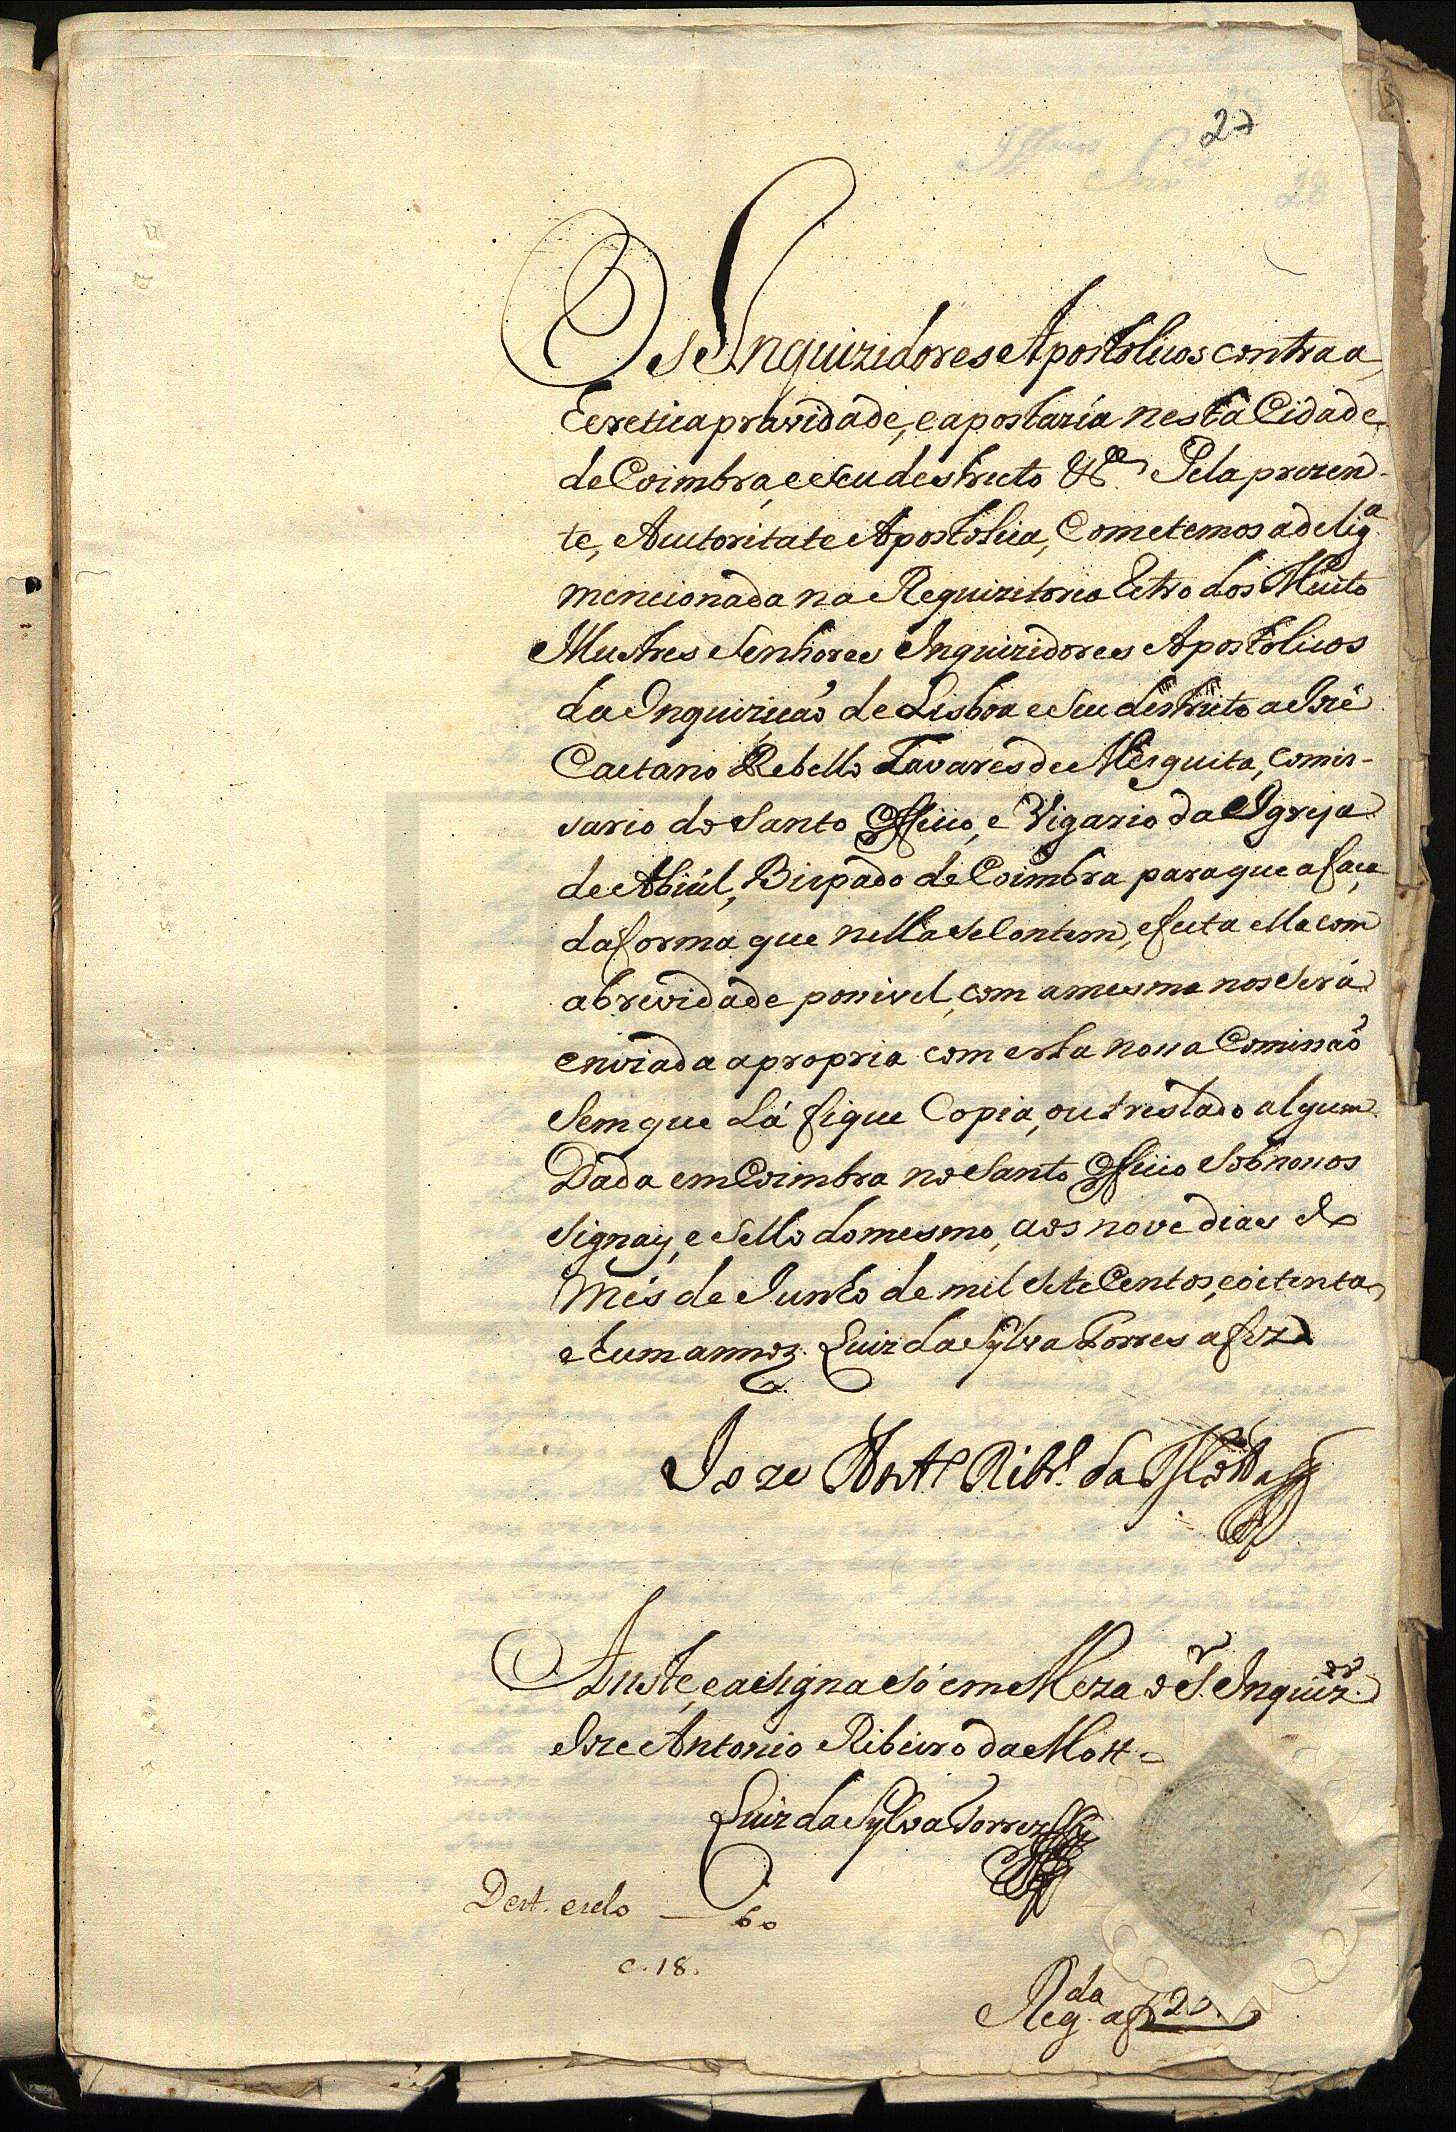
Os Inquizidores Apostolicos contra a
heretica pravidade, e apostazia nesta Cidade
de Coimbra, e seu destricto &ra Pela prezen
te, Auctoritate Apostolica, Cometemos a delig.a
mencionada na Requizitoria Retro dos Muito
Illustres Senhores Inquizidores Apostolicos
da Inquiziçaõ de Lisboa, e seu destricto a Iozé
Caetano Rebello Tavares de Mesquita, comis
sario do Santo Officio, e Vigario da Igreja
de Abiúl, Bispado de Coimbra para que a faça
da forma que nella se contem, e feita ella com
a brevidade possivel, com a mesma nos será
enviada a propria com esta nossa Comissaõ
Sem que Lá fique Copia, ou trestado algum
Dada em Coimbra no Santo Officio sob nossos
signais, e sello do mesmo, aos nove dias do
Més de Iunho de mil seteCentos, e oitenta
e hum annoz Luiz da Sylva Torres a fiz
Ioze Ant.o Ribr.o da Motta
Asiste e asigna só em Meza o S.r Inquiz.or
Ioze Antonio Ribeiro da Mott
Luiz da Sylva Torrez
Dest. e selo 60
c.18.
Reg.da a fl 20
